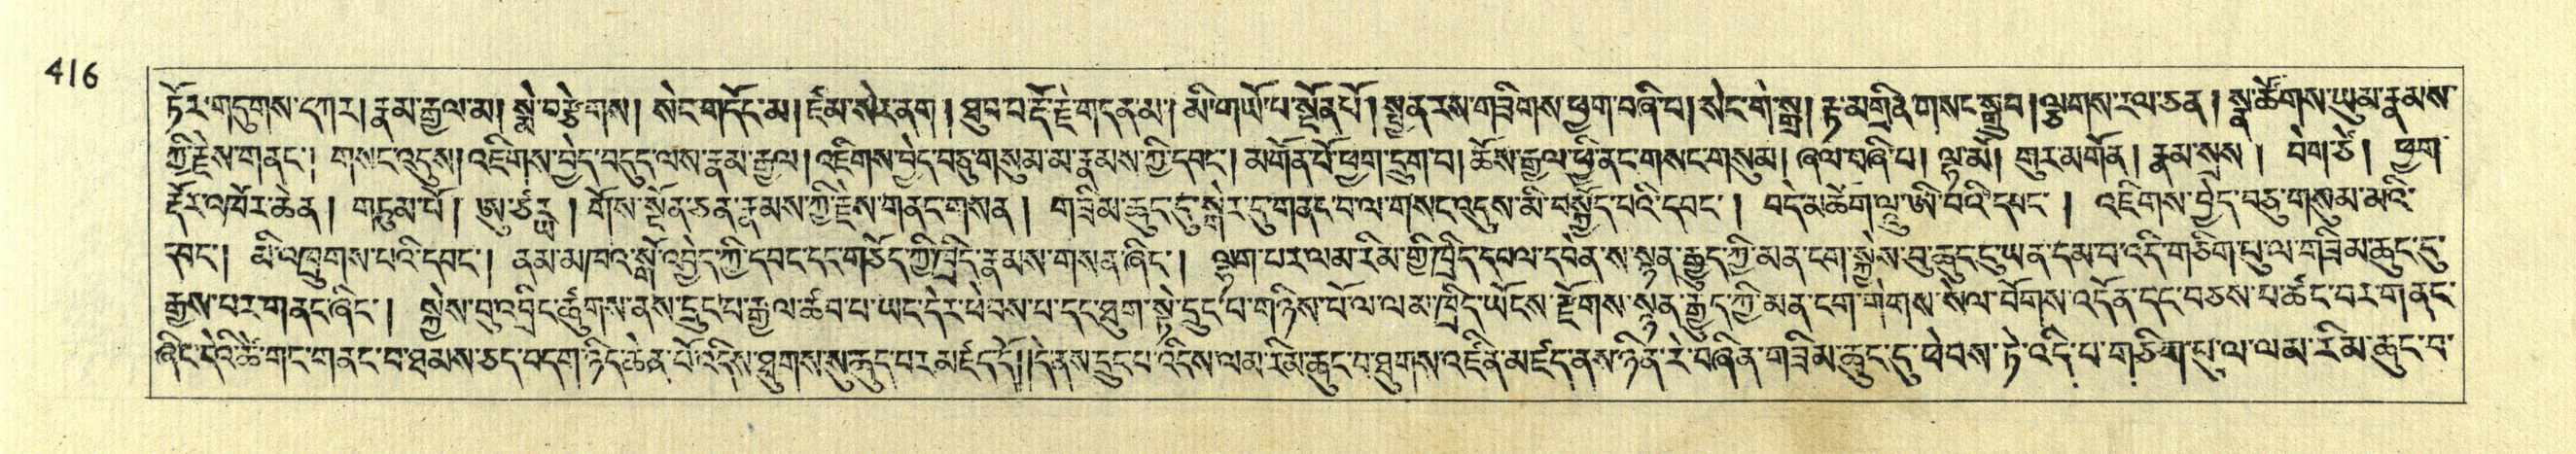ཏོར་གདུགས་དཀར། རྣམ་རྒྱལ་མ། སྨེ་བརྩེགས། སེང་གདོང་མ། ཛམ་སེར་ནག །ཐུབ་བ་རྡོ་རྗེ་གདན་མ། མི་གཡོ་པ་སྔོན་པོ། སྤྱན་རས་གཟིགས་ཕྱག་བཞི་པ། སེང་གེ་སྒྲ། རྟ་མགྲིན་གསང་སྒྲུབ། ལྕགས་རལ་ཅན། སྣ་ཚོགས་ཡུམ་རྣམས་
ཀྱི་རྗེས་གནང་། གསང་འདུས། འཇིགས་བྱེད་བདུད་ལས་རྣམ་རྒྱལ། འཇིགས་བྱེད་བཅུ་གསུམ་མ་རྣམས་ཀྱི་དབང་། མགོན་པོ་ཕྱག་དྲུག་བ། ཆོས་རྒྱལ་ཕྱི་ནང་གསང་གསུམ། ཞལ་བཞི་པ། ལྷ་མོ། གུར་མགོན། རྣམ་སྲས། བེག་ཙེ། ཕྱག་
རྡོར་འཁོར་ཆེན། གཏུམ་པོ། ཨུ་ཙརྱ། གོས་སྔོན་ཅན་རྣམས་ཀྱི་རྗེས་གནང་གསན། གཟིམ་ཆུང་དུ་སྒེར་དུ་གནང་བ་ལ་གསང་འདུས་མི་བསྐྱོད་པའི་དབང་། བདེ་མཆོག་ལཱུ་ཨི་པའི་དབང་། འཇིགས་བྱེད་བཅུ་གསུམ་མའི་
དབང་། མི་འཁྲུགས་པའི་དབང་། ནམ་མཁའ་སྒོ་འབྱེད་ཀྱི་དབང་དང་གཅོད་ཀྱི་ཁྲིད་རྣམས་གསན་ཞིང་། ལྷག་པར་ལམ་རིམ་གྱི་ཁྲིད་དཔལ་དབེན་ས་སྙན་རྒྱུད་ཀྱི་མན་ངག་སྐྱེས་བུ་ཆུང་ངུ་ཡན་དམ་བ་འདི་གཅིག་པུ་ལ་གཟིམ་ཆུང་དུ་
རྒྱས་པར་གནང་ཞིང་། སྐྱེས་བུ་འབྲིང་ཚུགས་ནས་དྲུང་པ་རྒྱལ་ཚབ་པ་ཡང་དེར་ཕེབས་པ་དང་ཐུག་སྟེ་དྲུང་པ་གཉིས་པོ་ལ་ལམ་ཁྲིད་ཡོངས་རྫོགས་སྙན་རྒྱུད་ཀྱི་མན་ངག་གེགས་སེལ་བོགས་འདོན་དང་བཅས་པ་ཚང་བར་གནང་
ཞིང་དེའི་ཚེ་གང་གནང་བ་ཐམས་ཅད་བདག་ཉིད་ཆེན་པོ་འདིས་ཐུགས་སུ་ཆུད་པར་མཛད་དོ། །དེ་ནས་དྲུང་པ་འདིས་ལམ་རིམ་ཆུང་བ་ཐུགས་འཛིན་མཛད་ནས་ཉིན་རེ་བཞིན་གཟིམ་ཆུང་དུ་ཕེབས་ཏེ་འདི་པ་གཅིག་པུ་ལ་ལམ་རིམ་ཆུང་བ་